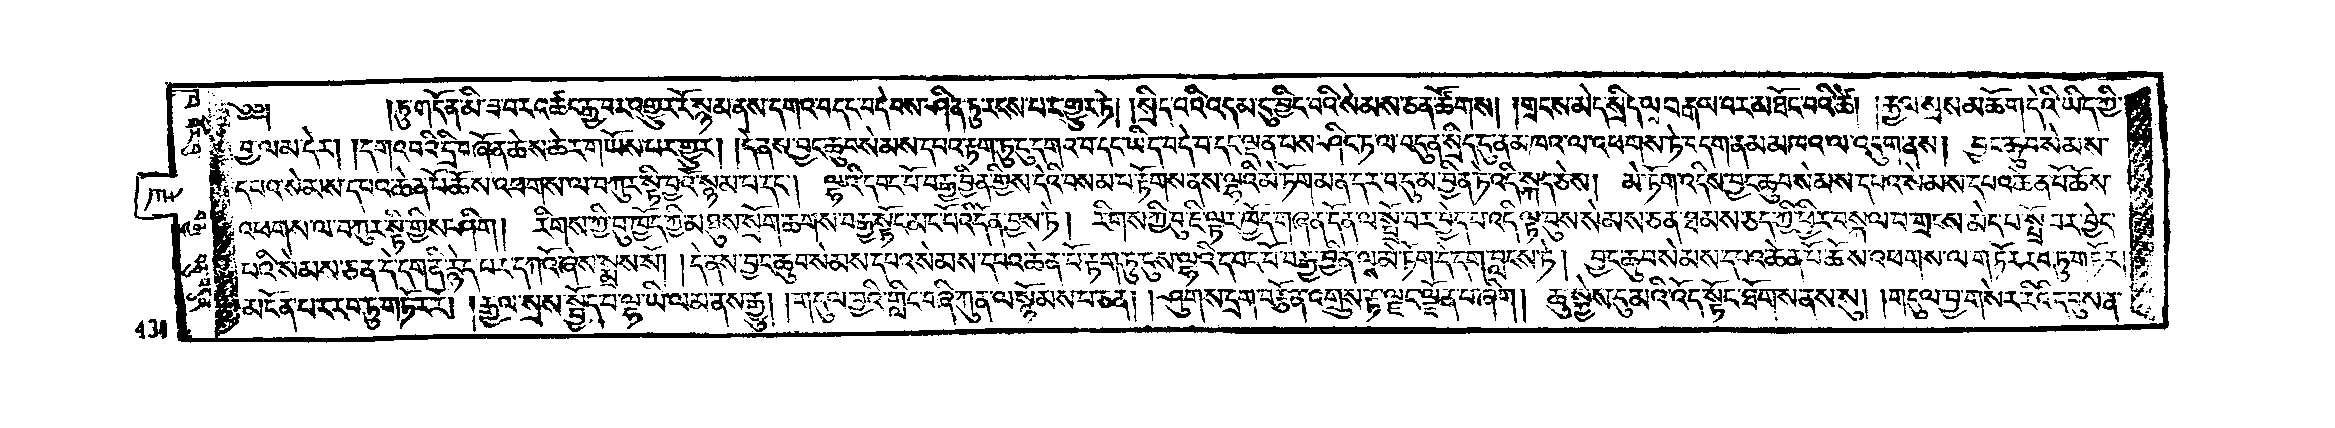༄༅། །ཏུ་གདོན་མི་ཟ་བར་འཚང་རྒྱ་བར་འགྱུར་རོ་སྙམ་ནས་དགའ་བ་དང་བདེ་བས་ཤིན་ཏུ་རངས་པར་གྱུར་ཏེ། །སྲིད་པའི་འདམ་དུ་བྱིང་བའི་སེམས་ཅན་ཚོགས། །གྲངས་མེད་སྲིད་ལས་བརྒལ་བར་མཐོང་བའི་ཚེ། །རྒྱལ་སྲས་མཆོག་དེའི་ཡིད་ཀྱི་
བྱ་ལམ་དེར། །དགའ་བའི་དྲི་བཞོན་ཆེས་ཆེར་གཡོས་པར་གྱུར། །དེ་ནས་བྱང་ཆུབ་སེམས་དཔའ་རྟག་ཏུ་ངུ་དགའ་བ་དང་ཡིད་བདེ་བ་དང་ལྡན་པས་ཤིང་ཏ་ལ་བདུན་སྲིད་དུ་ན་མཁའ་ལ་འཕགས་ཏེ་བདག་ནམ་མཁའ་ལ་འདུག་ནས། བྱང་ཆུབ་སེམས་
དཔའ་སེམས་དཔའ་ཆེན་པོ་ཆོས་འཕགས་ལ་བཀུར་སྟི་བྱའོ་སྙམ་པ་དང་། ལྷའི་དབང་པོ་བརྒྱ་བྱིན་གྱིས་དེའི་བསམ་པ་རྟོགས་ནས་ལྷའི་མེ་ཏོག་མན་ད་ར་བ་དུ་མ་བྱིན་ཏེ་འདི་སྐད་ཅེས། མེ་ཏོག་འདིས་བྱང་ཆུབ་སེམས་དཔའ་སེམས་དཔའ་ཆེན་པོ་ཆོས་
འཕགས་ལ་བཀུར་སྟི་གྱིས་ཤིག །རིགས་ཀྱི་བུ་ཁྱོད་ཀྱི་མཐུས་སྲོག་ཆགས་བརྒྱ་སྟོང་མང་པོའི་དོན་བྱས་ཏེ། རིགས་ཀྱི་བུ་ཇི་ལྟར་ཁྱོད་གཞན་དོན་ལ་སྤྲོ་བར་བྱེད་པ་འདི་ལྟ་བུས་སེམས་ཅན་ཐམས་ཅད་ཀྱི་ཕྱིར་བསྐལ་པ་གྲངས་མེད་པ་སྤྲོ་བར་བྱེད་
པའི་སེམས་ཅན་དེ་དག་ནི་རྙེད་པར་དཀའོ་ཞེས་སྨྲས་སོ། །དེ་ནས་བྱང་ཆུབ་སེམས་དཔའ་སེམས་དཔའ་ཆེན་པོ་རྟག་ཏུ་ངུས་ལྷའི་དབང་པོ་བརྒྱ་བྱིན་ལས་མེ་ཏོག་དེ་དག་བླངས་ཏེ། བྱང་ཆུབ་སེམས་དཔའ་ཆེན་པོ་ཆོས་འཕགས་ལ་གཏོར་རབ་ཏུ་གཏོར།
མངོན་པར་རབ་ཏུ་གཏོར་རོ། །རྒྱལ་སྲས་སྤྱོད་པ་ལྷ་ཡི་ལམ་ནས་རྒྱུ། །གདུལ་བྱའི་གླིང་བཞི་ཀུན་ལ་སྙོམས་པ་ཅན། །ཤུགས་དྲག་བརྩོན་འགྲུས་རྟ་ལྗང་ལྗོན་པ་ཞིག །ཆུ་སྐྱེས་དུ་མའི་འོད་སྟོང་ཐོགས་ནས་སུ། །གདུལ་བྱ་གསེར་རིའི་དབུས་ན་